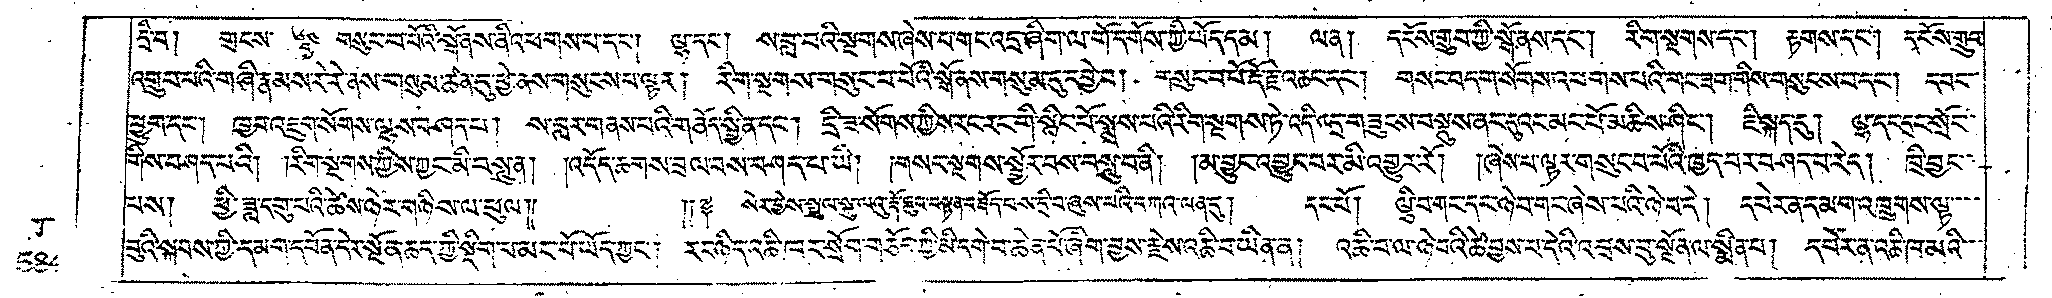དྲི་བ། གྲངས ༦༤བ༧་གསུང་བ་པོའི་སྒོ་ནས་ནི་འཕགས་པ་དང་། ལྷ་དང་། ས་བླ་བའི་སྔགས་ཞེས་པ་གང་འདྲ་ཞིག་ལ་གོ་དགོས་ཀྱི་ཡོད་དམ། ལན། དངོས་གྲུབ་ཀྱི་སྒོ་ནས་དང་། རིག་སྔགས་དང་། རྟགས་དང་། དངོས་གྲུབ་
འགྲུབ་པའི་གཞི་རྣམས་རེ་རེ་ནས་གསུམ་ཚན་དུ་ཕྱེ་ནས་གསུངས་པ་ལྟར། རིག་སྔགས་གསུང་བ་པོའི་སྒོ་ནས་གསུམ་དུ་དབྱེ་བ། གསུང་བ་པོ་རྡོ་རྗེ་འཆང་དང་། གསང་བདག་སོགས་འཕགས་པའི་གང་ཟག་གིས་གསུངས་པ་དང་། དབང་་་
ཕྱུག་དང་། ཁྱབ་འཇུག་སོགས་ལྷས་བཤད་པ། ས་བླར་གནས་པའི་གནོད་སྦྱིན་དང་། དྲི་ཟ་སོགས་ཀྱིས་རང་རང་གི་སྙིང་པོ་སྨྲས་པའི་རིག་སྔགས་ཏེ་འདི་འདྲ་གཟུངས་བསྡུས་ནང་དུའང་མང་པོ་མཆིས་ཤིང་། ཇི་སྐད་དུ། ལྷ་དང་དྲང་སྲོང་་་
གིས་བཤད་པའི། །རིག་སྔགས་ཀྱིས་ཀྱང་མི་བསླུ་ན། །འདོད་ཆགས་བྲལ་བས་བཤད་པ་ཡི། །གསང་སྔགས་སྦྱོར་བས་བསླུ་བ་ནི། །མ་བྱུང་འབྱུང་བར་མི་འགྱུར་རོ། །ཞེས་པ་ལྟར་གསུང་བ་པོའི་ཁྱད་པར་བཤད་པ་རེད། ཁྲི་བྱང་་་
པས། ཕྱི་ཟླ་དགུ་པའི་ཚེས་ཉེར་གཉིས་ལ་ཕུལ།། །།འ་སེར་བྱེས་སྤྲུལ་སྐུ་ལའུ་རྡོ་ཐུབ་བསྟན་བཟོད་པས་དྲི་བ་ཞུས་པའི་བཀའ་ལན་དུ།  དང་པོ། ལྕིབ་གང་དང་ཉེ་བ་གང་ཞེས་པའི་ཉེ་བ་དེ། དཔེར་ན་དམག་འཁྲུགས་ལྟ་་་
བུའི་སྐབས་ཀྱི་དམག་དཔོན་དེར་སྔོན་ཆད་ཀྱི་སྡིག་པ་མང་པོ་ཡོད་ཀྱང་། རང་ཉིད་འཆི་ཁར་སྲོག་གཅོད་ཀྱི་མི་དགེ་བ་ཆེན་པོ་ཞིག་བྱས་རྗེས་འཆི་བ་ཡིན་ན། འཆི་བ་ལ་ཉེ་བའི་ཚེ་བྱས་པ་དེའི་འབྲས་བུ་སྔོན་ལ་སྨིན་པ། དཔེར་ན་འཆི་ཁ་མའི་་་